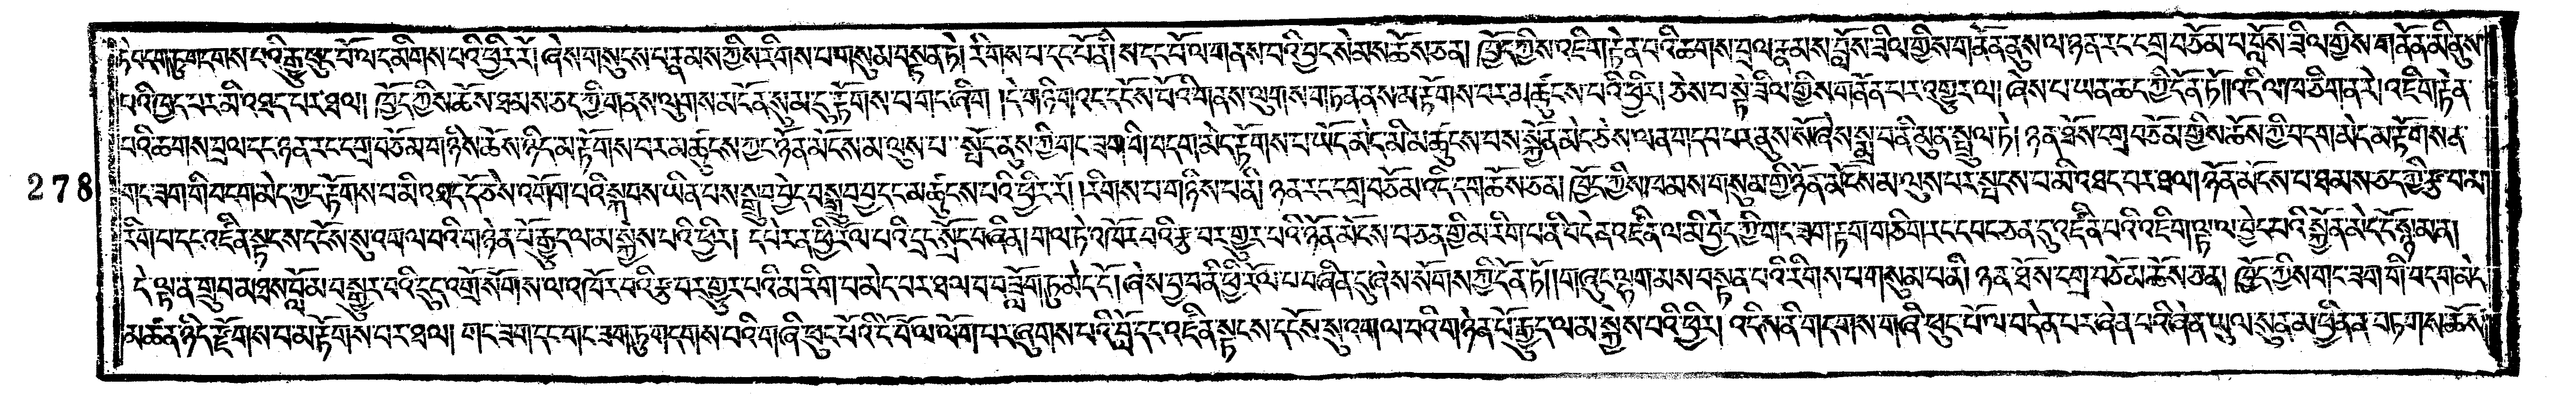ཏེ་བདག་ཏུ་གདགས་པའི་རྒྱུ་ཕུང་པོ་ལ་དམིགས་པའི་ཕྱིར་རོ། ཞེས་གསུངས་པ་རྣམས་ཀྱིས་རིགས་པ་གསུམ་བསྟན་ཏེ། རིགས་པ་དང་པོ་ནི། ས་དང་པོ་ལ་གནས་པའི་བྱང་སེམས་ཆོས་ཅན། ཁྱོད་ཀྱིས་འཇིག་རྟེན་པའི་ཆགས་བྲལ་རྣམས་བློས་ཟིལ་གྱིས་གནོན་ནུས་ལ་ཉན་རང་དགྲ་བཅོམ་པ་བློས་ཟིལ་གྱིས་གནོན་མི་ནུས་
པའི་ཁྱད་པར་མི་འཐད་པར་ཐལ། ཁྱོད་ཀྱིས་ཆོས་ཐམས་ཅད་ཀྱི་གནས་ལུགས་མངོན་སུམ་དུ་རྟོགས་པ་གང་ཞིག །དེ་གཉི་གའང་དངོས་པོའི་གནས་ལུགས་གཏན་ནས་མ་རྟོགས་པར་མཚུངས་པའི་ཕྱིར། ཅེས་པ་སྟེ་ཟིལ་གྱིས་གནོན་པར་འགྱུར་ལ། ཞེས་པ་ཡན་ཆད་ཀྱི་དོན་ཏོ། །འདི་ལ་ཁ་ཅིག་ན་རེ། འཇིག་རྟེན་
བའི་ཆགས་བྲལ་དང་ཉན་རང་དགྲ་བཅོམ་གཉིས་ཆོས་ཉིད་མ་རྟོགས་པར་མཚུངས་ཀྱང་ཉོན་མོངས་མ་ལུས་པ་སྤོང་ནུས་ཀྱི་གང་ཟག་གི་བདག་མེད་རྟོགས་པ་ཡོད་མེད་མི་མཚུངས་པས་སྐྱོན་མེད་ཅེས་ལན་གདབ་པར་ནུས་སོ་ཞེས་སྨྲ་བ་ནི་མུན་སྤྲུལ་ཏེ། ཉན་ཐོས་དགྲ་བཅོམ་གྱིས་ཆོས་ཀྱི་བདག་མེད་མ་རྟོགས་ན་
གང་ཟག་གི་བདག་མེད་ཀྱང་རྟོགས་བ་མི་འཐད་དོ་ཅེས་འགོག་པའི་སྐབས་ཡིན་པས་སྒྲུབ་བྱེད་བསྒྲུབ་བྱ་དང་མཚུངས་པའི་ཕྱིར་རོ། །རིགས་པ་གཉིས་པ་ནི། ཉན་རང་དགྲ་བཅོམ་འདི་དག་ཆོས་ཅན། ཁྱོད་ཀྱིས་ཁམས་གསུམ་གྱི་ཉོན་མོངས་མ་ལུས་བར་སྤངས་པ་མི་འཐད་པར་ཐལ། ཉོན་མོངས་པ་ཐམས་ཅད་ཀྱི་རྩ་བ་མ་
རིག་པ་དང་འཛིན་སྟངས་དངོས་སུ་འགལ་བའི་གཉེན་པོ་རྒྱུད་ལ་མ་སྐྱེས་པའི་ཕྱིར། དཔེར་ན་ཕྱི་རོལ་པའི་དྲང་སྲོང་བཞིན། གལ་ཏེ་འཁོར་བའི་རྩ་བར་གྱུར་བའི་ཉོན་མོངས་པ་ཅན་གྱི་མ་རིག་པ་ནི་བདེན་འཛིན་ལ་མི་བྱེད་ཀྱི་གང་ཟག་རྟག་གཅིག་རང་དབང་ཅན་དུ་འཛིན་པའི་འཇིག་ལྟ་ལ་བྱེད་པའི་སྐྱོན་མེད་དོ་སྙམ་ན།
དེ་ལྟ་ན་གྲུབ་མཐས་བློ་མ་བསྒྱུར་བའི་དུད་འགྲོ་སོགས་ལ་འཁོར་བའི་རྩ་བར་གྱུར་པའི་མ་རིག་པ་མེད་པར་ཐལ་བ་བཟློག་ཏུ་མེད་དོ། ཞེས་བྱ་བ་ནི་ཕྱི་རོལ་པ་བཞིན་དུ་ཞེས་སོགས་ཀྱི་དོན་ཏོ། །གཞུང་ལྷག་མས་བསྟན་པའི་རིགས་པ་གསུམ་པ་ནི། ཉན་ཐོས་དགྲ་བཅོམ་ཆོས་ཅན། ཁྱོད་ཀྱིས་གང་ཟག་གི་བདག་མེད་
མཚན་ཉིད་རྫོགས་པ་མ་རྟོགས་པར་ཐལ། གང་ཟག་དང་གང་ཟག་ཏུ་གདགས་པའི་གཞི་ཕུང་པོའི་ངོ་བོ་ལ་ལོག་པར་ཞུགས་པའི་བློ་དང་འཛིན་སྟངས་དངོས་སུ་འགལ་བའི་གཉེན་པོ་རྒྱུད་ལམ་སྐྱེས་པའི་ཕྱིར། འདིས་ནི་གདགས་གཞི་ཕུང་པོ་ལ་བདེན་པར་ཞེན་པའི་ཞེན་ཡུལ་སུན་མ་ཕྱིན་ན་བཏགས་ཆོས་